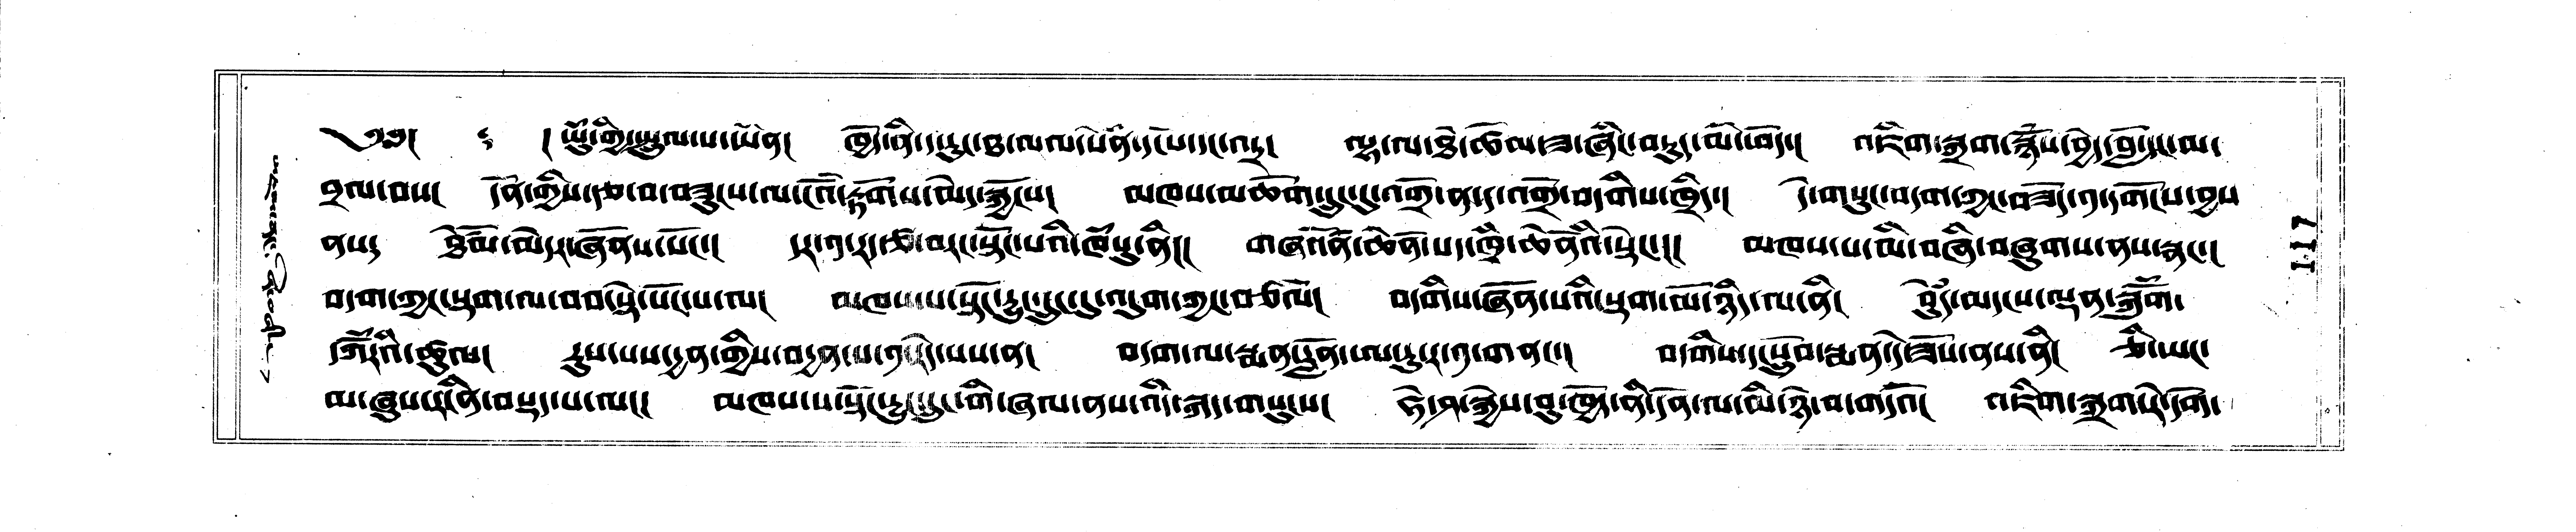ཡུམ་གྱི་སྤྲུལ་པ་ཡིན། ཁྱོད་ནི་ད་རུང་ཐ་མལ་སེམས་ཅན་དངོས་དང་འདྲ། ལྷ་ལ་ཐེ་ཚོམ་ཟ་ཞིང་བཏུད་མི་ཕོད། འཇིག་སྐྲག་སྙོམས་བྱེད་བློ་དང་མ་
བྲལ་བས། དོན་གྱིས་རྩ་བ་བཟུང་ལ་ངོ་བོ་རྟོག་མེད་སྐྱོངས། མཁས་མཆོག་དྲུང་དུ་འགྲོ་ན་ད་འགྲོ་བདག་གིས་ཁྲིད། དེ་གསུངས་བདག་ཀྱང་བཟོད་གཅིག་དགོངས་བྱས་
ནས། ཐེ་ཚོམ་མེད་པར་ཞོན་ནས་སོང་། དར་གཅིག་རད་ཙ་བར་སྣང་སྟོང་པའི་ཁམས་སུ་ནི། གཞའ་ཚོན་ཆེན་པོ་པད་ཁྲི་ཆེན་པོའི་སྟེང་། མཁས་པ་མི་བཞི་བཞུགས་ནས་སྣང་། 
བདག་ཀྱང་སྟག་ལ་བབས་ཏེ་སོང་བ་ལ། མཁས་པ་སྟོང་རྒྱུང་དྲུང་དུ་འདུག་ཀྱང་བཙལ་ལོ། བདག་གིས་ཞོན་པའི་སྟག་མོ་ཉིད་ལ་ནི། བུད་མེད་མདངས་ལྡན་སྐུ་མདོག་
དཀར་མོའི་ཚུལ། རུས་པས་རྒྱན་གྱིས་བརྒྱན་པ་གཅིག་རེད་པས་ན། བདག་ལ་སྨན་རློན་ཨ་རུ་ར་གཅིག་གནང་། བདག་གིས་དངོས་གྲུབ་སྨན་དེ་ཟོས་ནས་ནི། ཅི་ཡང་
མ་ཞུས་རང་བཞིན་བསྡད་པ་ལ། མཁས་པ་སྟོང་རྒྱུང་དྲུང་གི་ཞལ་ནས་འདི་སྐད་གསུངས། ཧེ་ཤ་སྐྱེས་བུ་ཁྱོད་ནི་དོན་ལ་མི་ཉེ་བ་གདའོ། འཇིག་སྐྲག་རེ་དོགས་